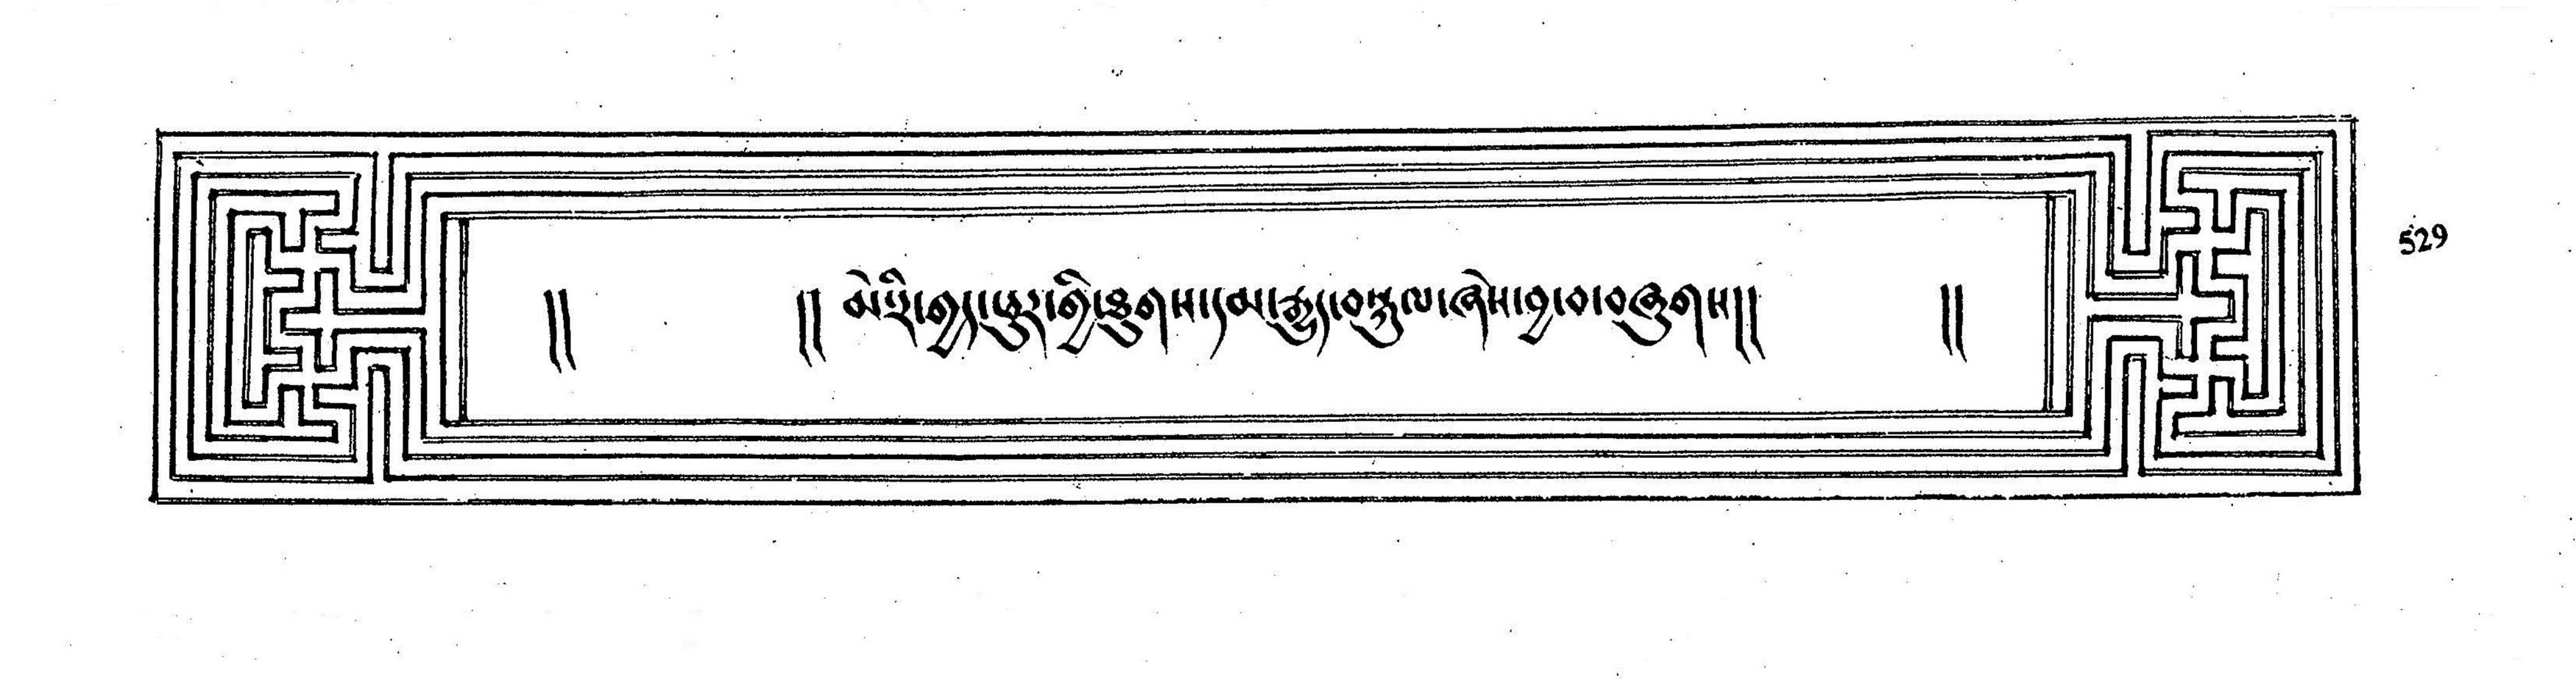།། །།མེ་རི་གྱད་ཕུར་གྱི་ཐུགས་དམ་རྒྱུད་བསྐུལ་ཞེས་བྱ་བ་བཞུགས།། །།